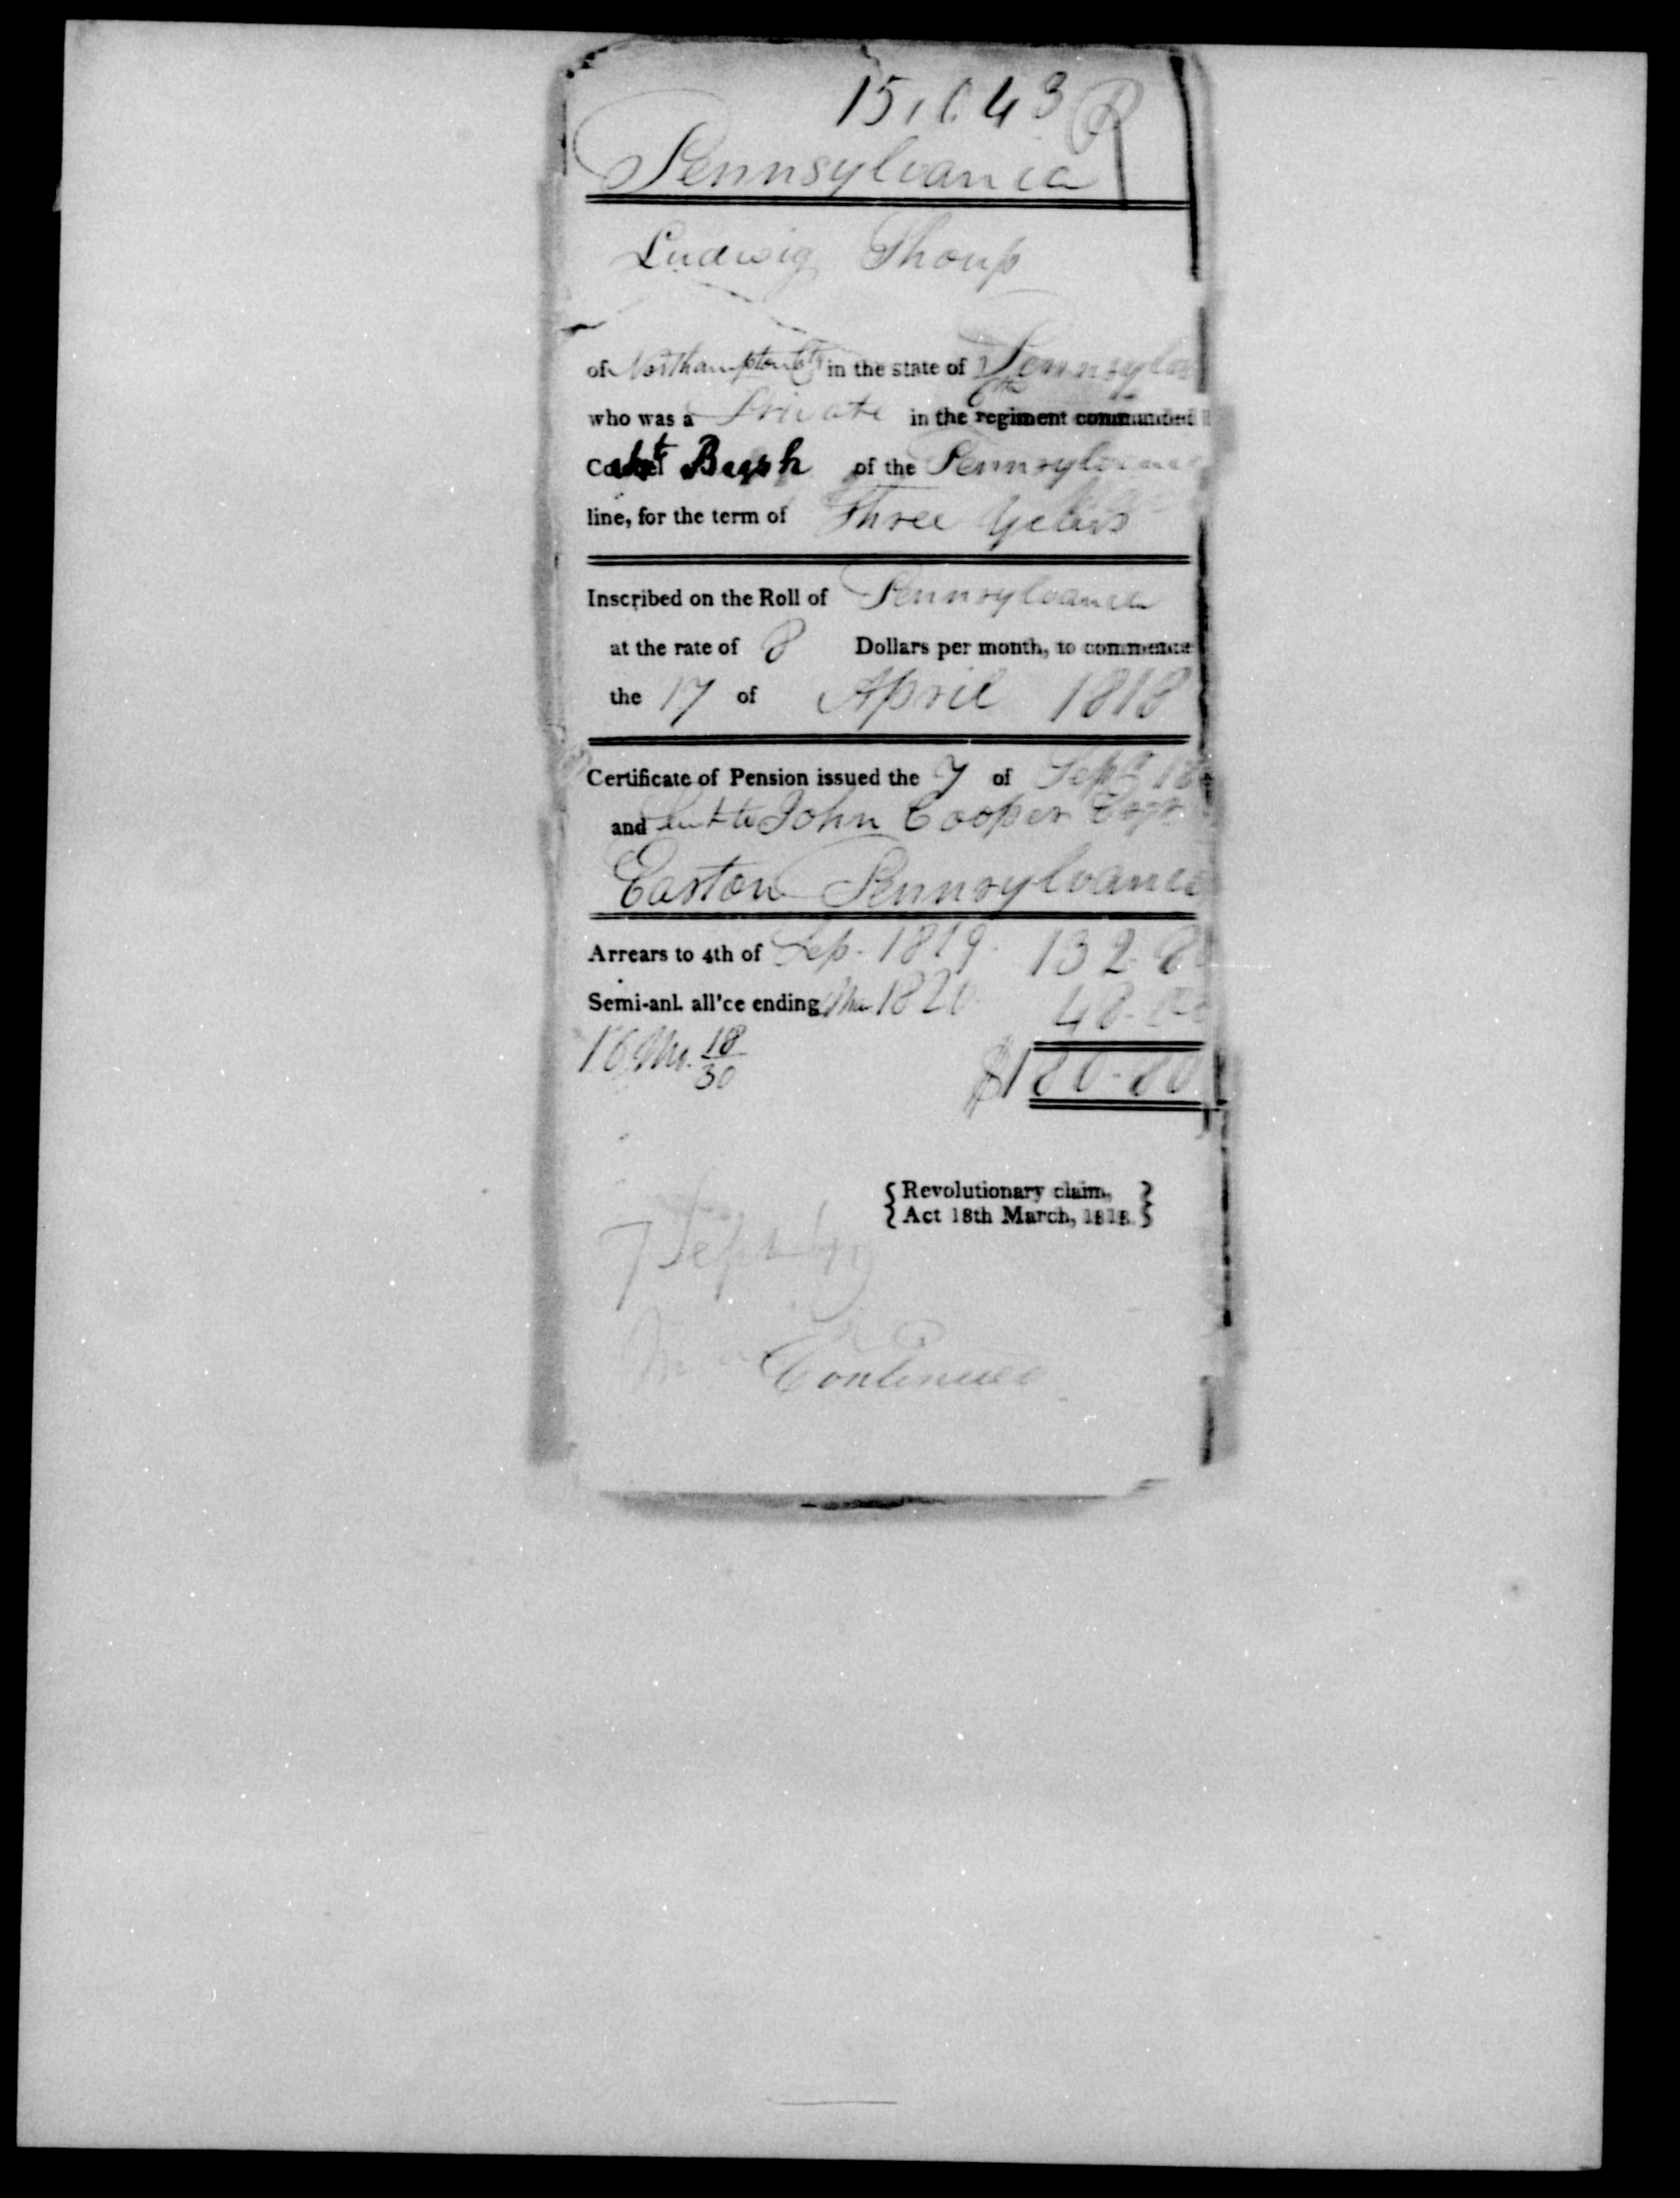15.043   R
Pennsylvania
Ludwig Shoup
of Northampton Cty in the state of Pennsylvania
who was a Private in the regiment commanded Col. Bush of the Pennsylvania line, for the term of three years.

Inscribed on the Roll of Pennsylvania
at the rate of 8 Dollars per month, to commence the 17 of April 1818

Certificate of Pension issued the 7 of Sept. 18
and Sent to John Cooper Esqr
Easton Penssylania

Arrears to 4th of Sep. 1819        $132.80
Semi-anl. all'ce ending Mary 1820  48.00
16 mos. 18/30                               $180.80

{ Revolutionary claim, }
{ Act 18th March, 1818. }

7 September 19
Continued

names: Ludwig Shoup; John Cooper; [BLANK] Bush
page: 2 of 19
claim: survivor's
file: S. 40410, for Ludwig Shoup, Pennsylvania